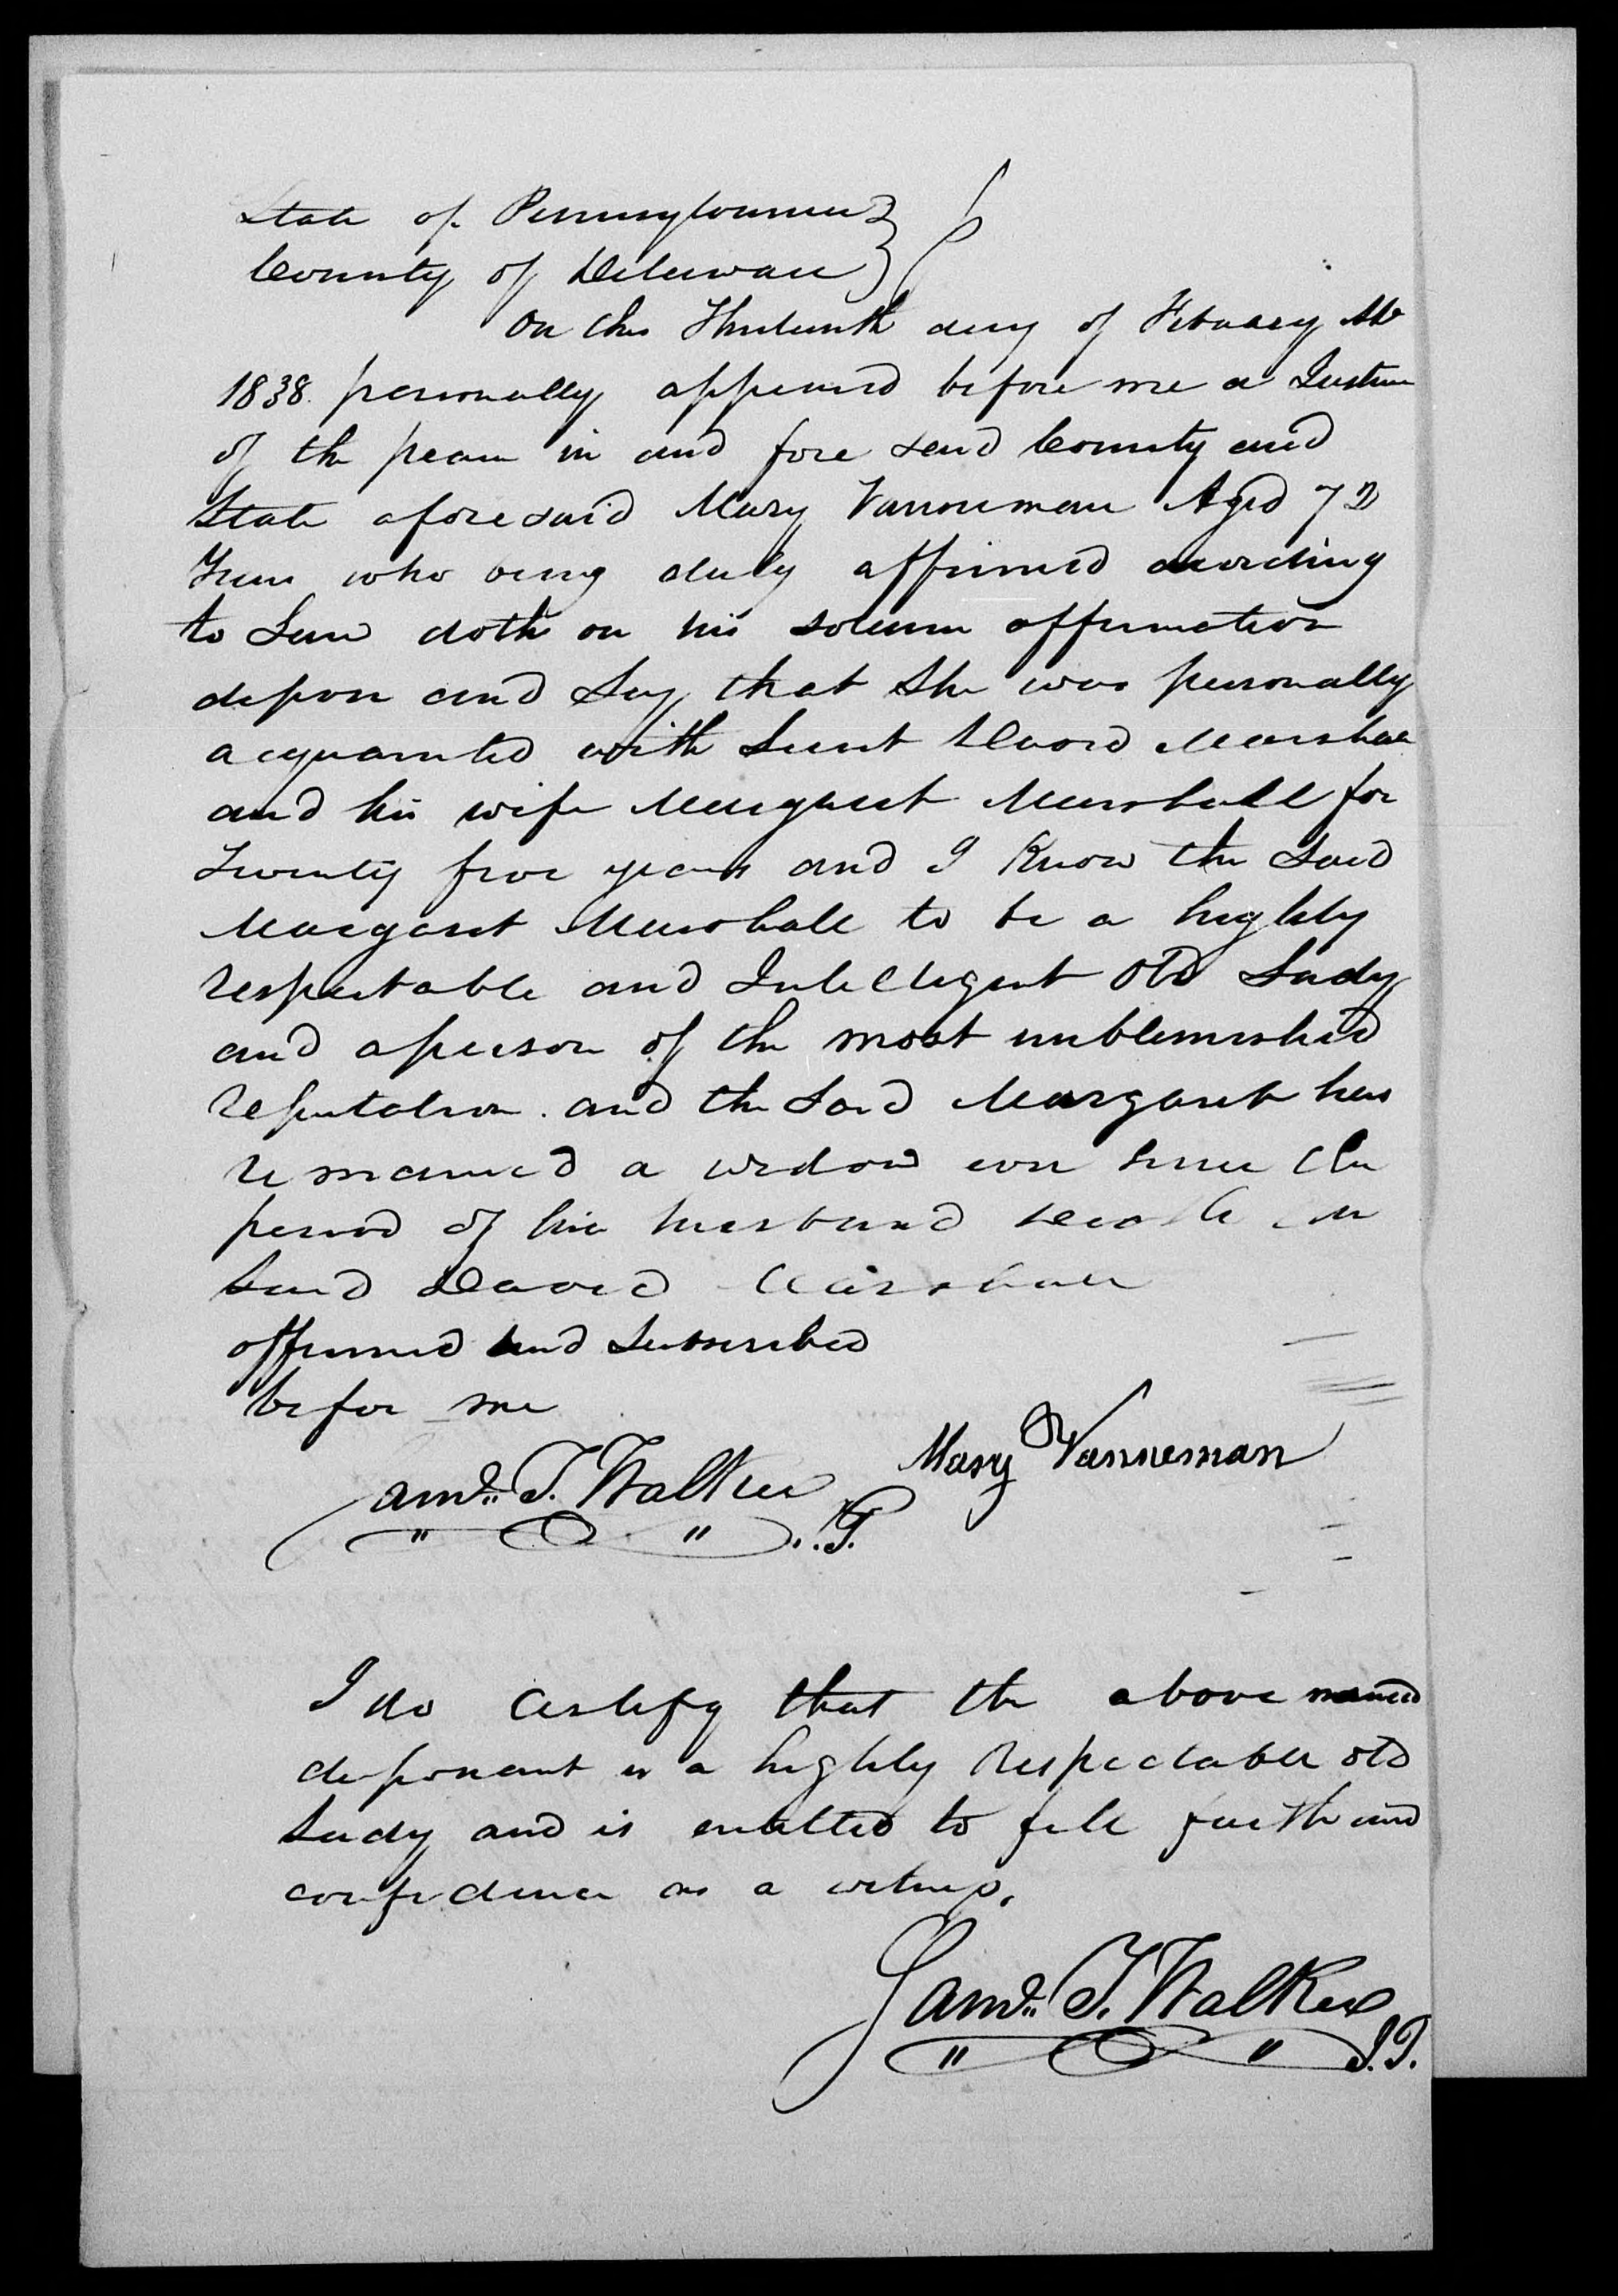State of Pennyslvania
County of Delaware

On this thirteen day of February AD 1838 personally affirmed before me a Justice of the peace in and for said County and State aforesaid Mary Tanneman Aged 72 years who being duly affirmed according to same doth on his solemn affirmation depose and say that she was personally acquainted with Lieut David Marshall and his wife Margaret Marshall for Twenty five years and I know the said Margaret Marshall to b a highly respectable and Intelligent Old Lady and a person of the most unblemished reputation and the said Margaret has remained a widow ever since the period of her husband death the said David Marshall

Mary Tanneman

affirmed and subscribed before me
Jame. T Walker J.P.

I do certify that the above named deponent is a highly respectable old Lady and is entitled to full faith and confidence as a witness.
Jam. T. Walker J.P.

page: 63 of 86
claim: widow's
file: W. 3571, for David Marshall, Pennsylvania